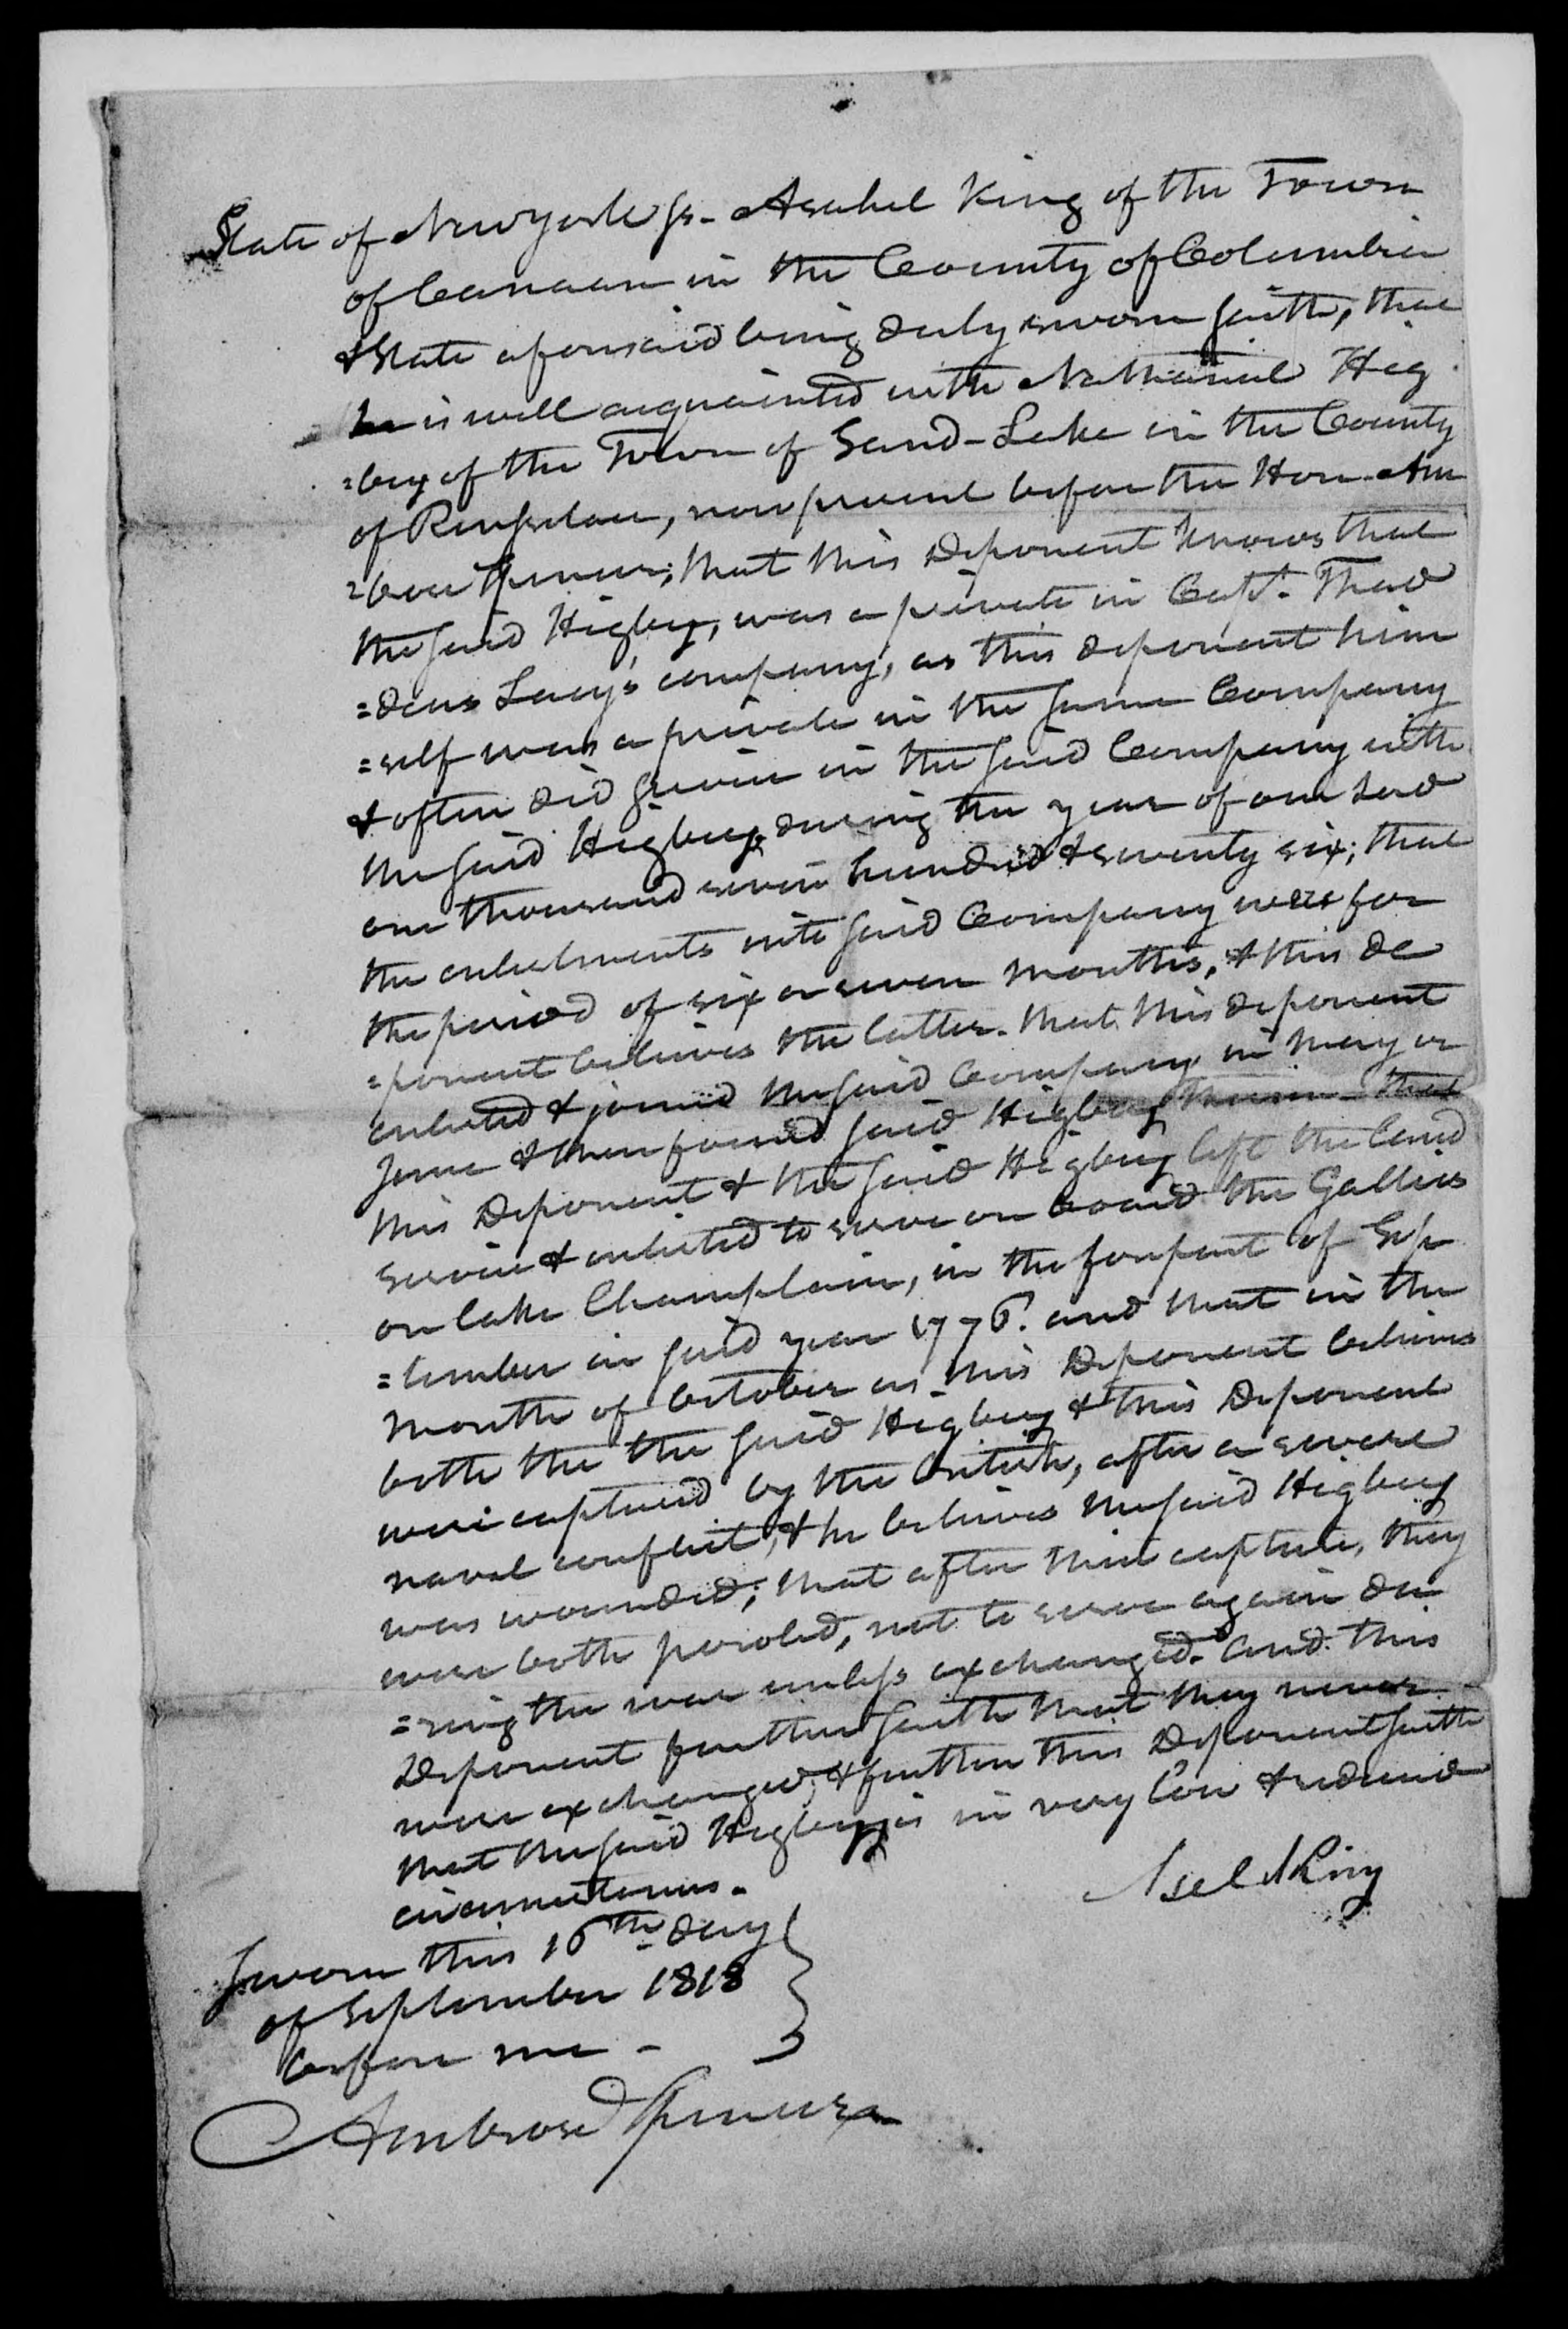State of New York. Asahel King of th eTown of Canaan in the County of Columbia & State aforesaid being Duly sworn faith, Thee be is well acquainted with Nathaniel Higbey of the Town of Sand-Lake in the County of Russelear, now present before the Hon Ambrose Spencer, that this Deponent maras that Mr Said Higby, was a private in Gaft. Thadeus Lacy's company, as this deponent himself was a private in Mr James Company & often aid given in Mr Said Company with Mr Said Higbey owning the year of ur Lord one thousand seven hundred & seventy six; that this enlistments with said company were for the period of six or seven months, & this deponent believes the latter. That this deponent enlisted & joined Mr Said Company in May or June & then found said Higbey Their that this deponent & with said Higbey left Mr Said service & enlisted to serve on board the gallies on Lake Champlain, in the forefront of September in said year 1776; and that in the month of October as this deponent Calaims both the the said Higbey & this deponent were captured by the British, after a severe naval conflict and he calaimes Mr said Higbey was wounded; that after his capture , they were both paroled, not to serve again during the war only exchanged. And this Deponent further saith that never were exchanged & further this Deponent saith that Nr said Higbey is in very Cars & redemed enienmetarum.
Asahel King

Given this 10th Day of September 11818 before me.
Ambrose Spencer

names: Higbey, Ambrose Spencer, Higbey, Ambrose Spencer, Asahel King, Nathaniel Higbey, Asel King, Higbey, Higbey, Higbey, Higbey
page: 16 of 25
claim: rejected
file: R. 4972, Nathaniel Higby, Conn.